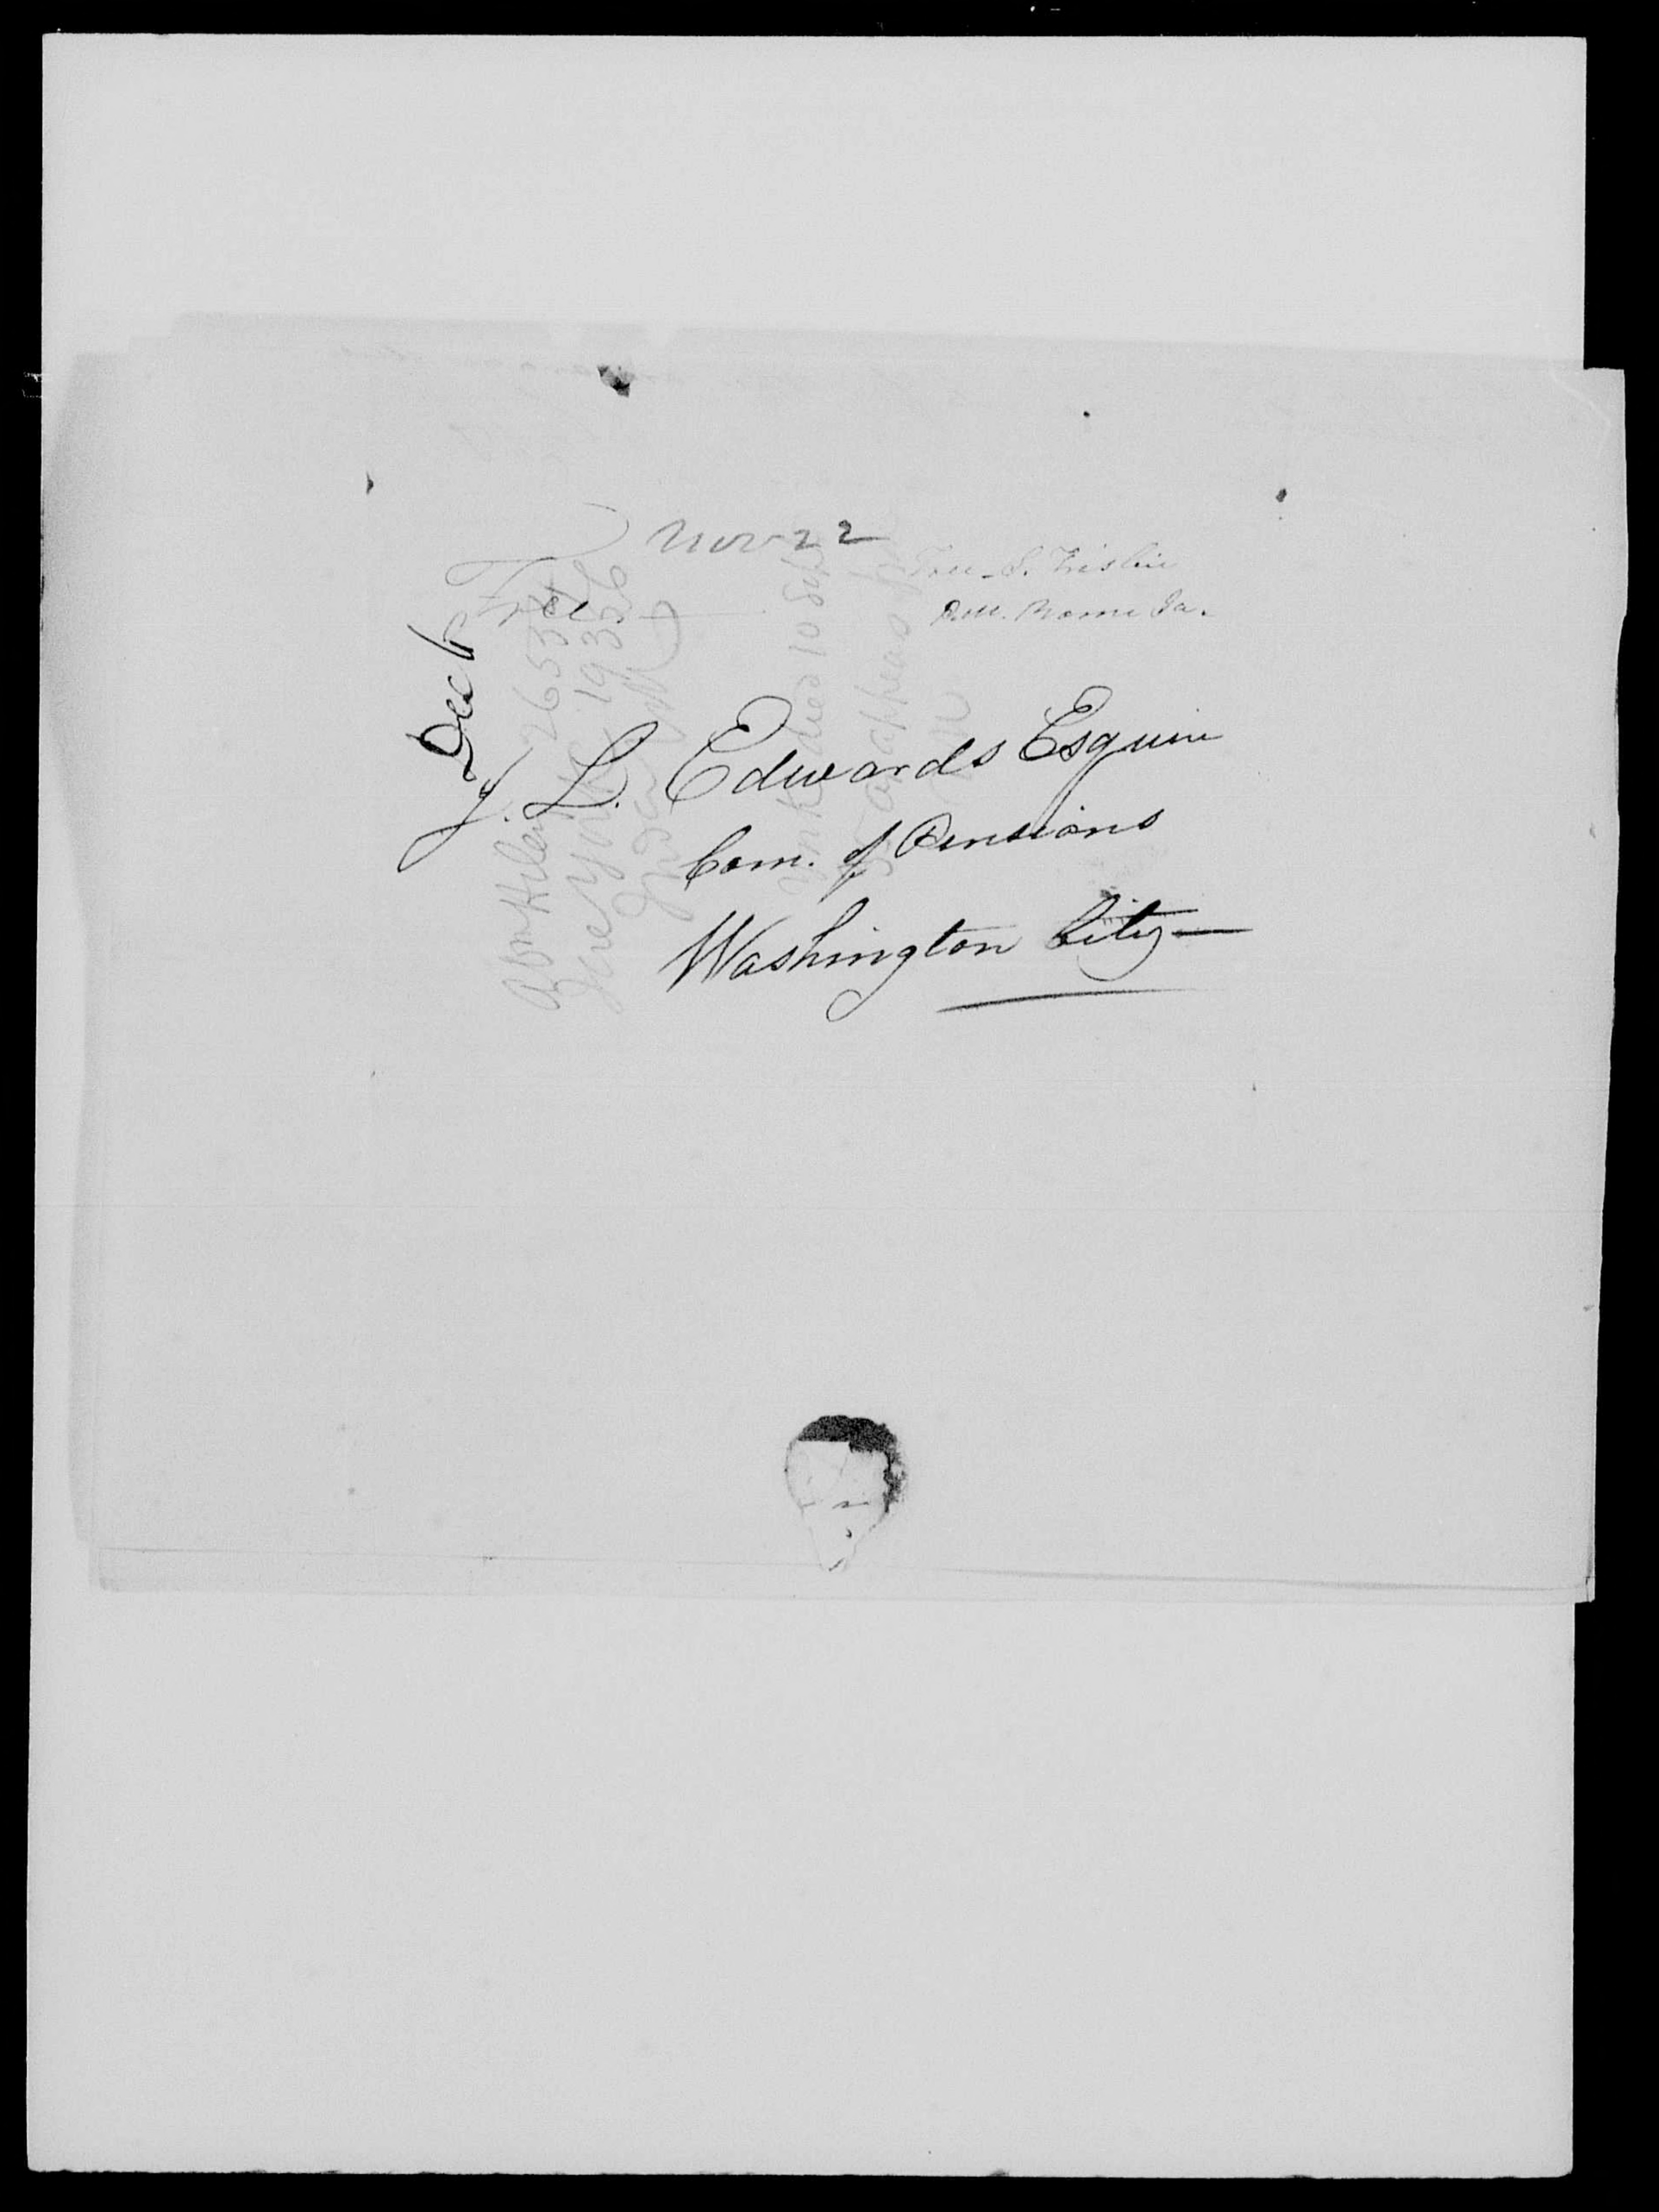Dec 6

J. L. Edwards Esquire
Com. of Pensions
Washington City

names: J L Edwards, Abm Hiley, S Frisbie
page: 15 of 18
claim: survivor's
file: S. 31744, Abraham Hiley, Penn.